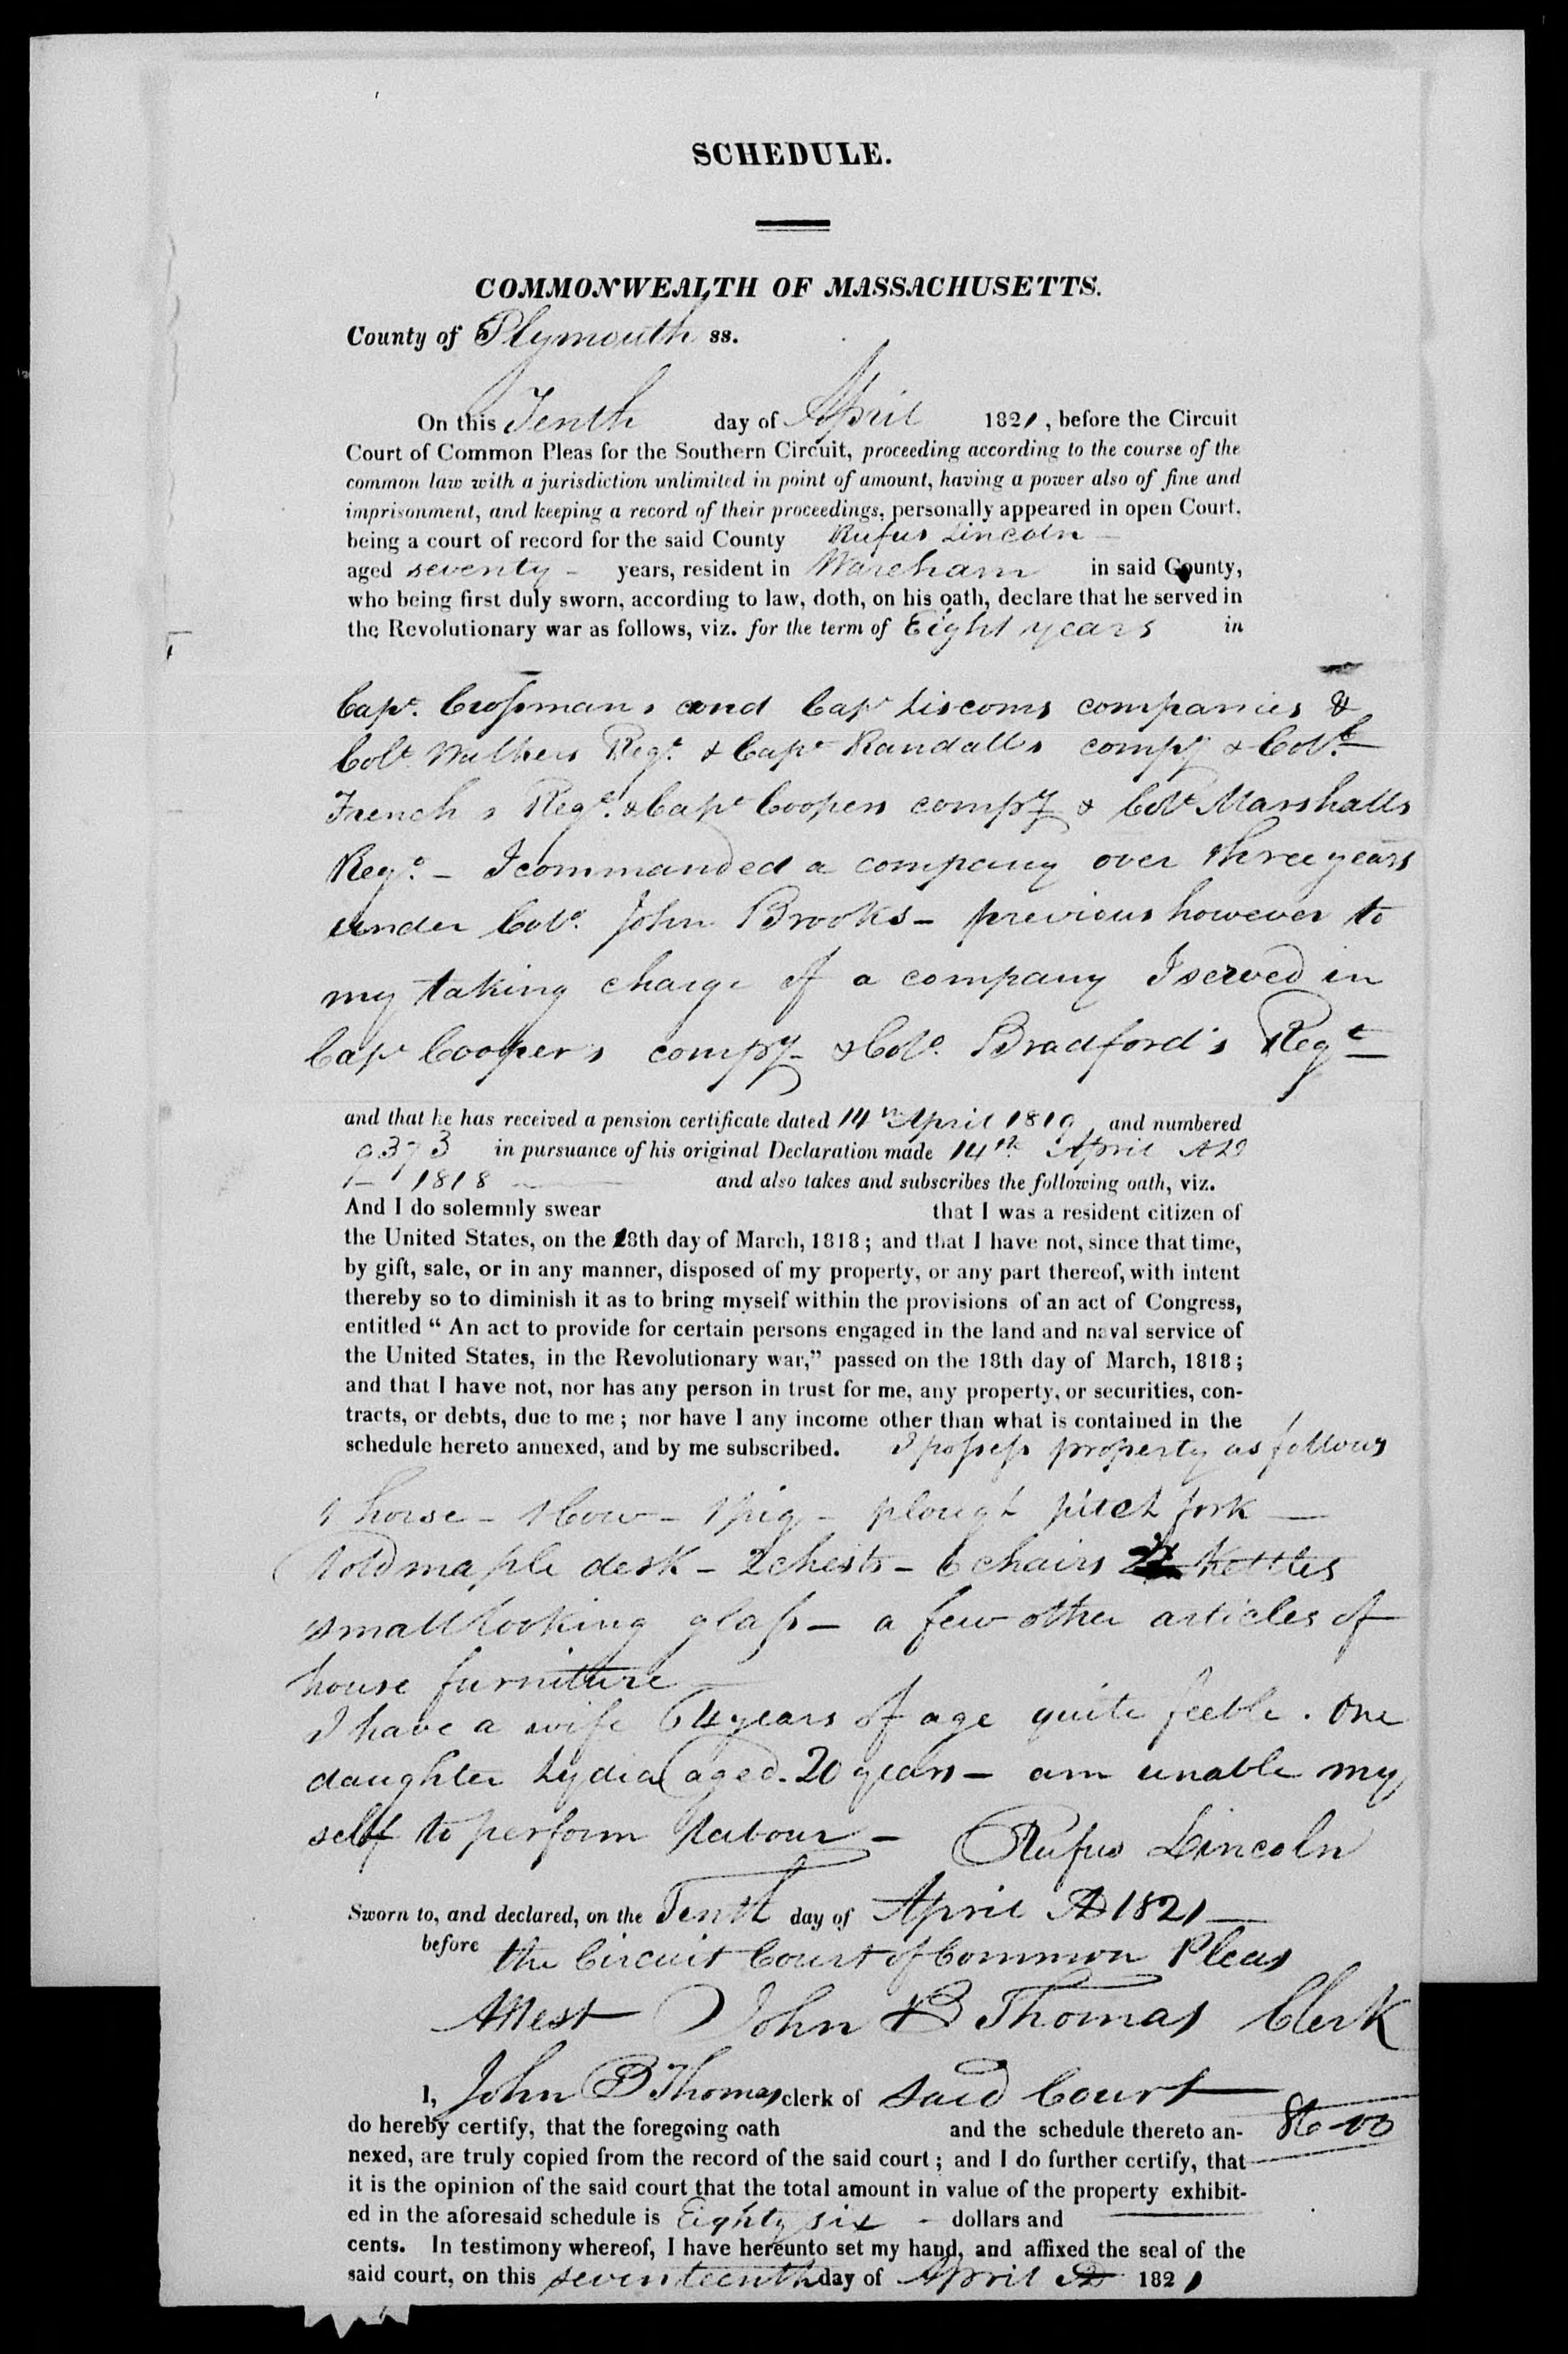SCHEDULE.
COMMONWEALTH OF MASSACHUSETTS.
County of Plymouth ss.

On this Tenth day of April 1821, before the Circuit Court of Common Pleas for the Southern Circuit, proceeding according to the course of the common law with a jurisdiction unlimited in point of amount, having a power also of fine and imprisonment, and keeping a record of their proceedings, personally appeared in open Court, being a court of record for the said County Rufus Lincoln
aged seventy years, resident in Wareham in said County, who being first duly sworn, according to law, doth, on his oath, declare that he served in the Revolutionary war as follows, viz. for the term of Eight years
in Capt Crossman, and Capt Liscom companies & Col Millers Regt & Capt Randalls compy & Col French Regt & Capt Coopers compy & Col Marshalls Regt - I commanded a company over three years under Col. John Brooks-- previous however to my taking charge of a company I served in Capt Coopers compy & Col Bradford's Regt
and that he has received a pension certificate dated 14 April 1810, and numbered 03-3
in pursuance of his original Declaration made 14th April AD 1818, and also takes and subscribes the following oath, viz.
And I do solemnly swear that I was a resident citizen of the United States, on the 18th day of March, 1818; and that I have not, since that time, by gift, sale, or in any manner, disposed of my property, or any part thereof, with intent
thereby so to diminish it as to bring myself within the provisions of an act of Congress,
entitled ""An act to provide for certain persons engaged in the land and naval service of
the United States, in the Revolutionary war,” passed on the 18th day of March, 1818;
and that I have not, nor has any person in trust for me, any property, or securities, contracts
, or debts, due to me; nor have I any income other than what is contained in the
schedule hereto annexed, and by me subscribed. I possess property as follows:

1 horse - 1 cow- 1 pig- plough pitch fork-
old maple desk- 2 chests - 6 chairs kettles
small looking glass- a few other articles of
house furniture-
I have a wife 64 years of age quite feeble. One
daughter Lydia aged 20 years -- am unable myself to perform labour -
Rufus Lincoln
Sworn to, and declared, on the Tenth day of April AD 1821-beforet he Circuit Court of Common Pleas
Attest John B. Thomas Clerk
I John B Thomas Clerk of said Court do hereby certify, that the foregoing oath and the schedule thereto annexed, are truly copied from the record of the said court; and I do further certify, that it is the opinion of the said court that the total amount in value of the property exhibited in the aforesaid schedule is eighty six dollars and __ cents. In testimony whereof, I have hereunto set my hand and affixed the seal of the said court, on this seventeenth day of April AD 1821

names: John Brooks; Rufus Lincoln; John B Thomas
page: 78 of 82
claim: widow's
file: W. 13,634, for Rufus Lincoln, Massachusetts